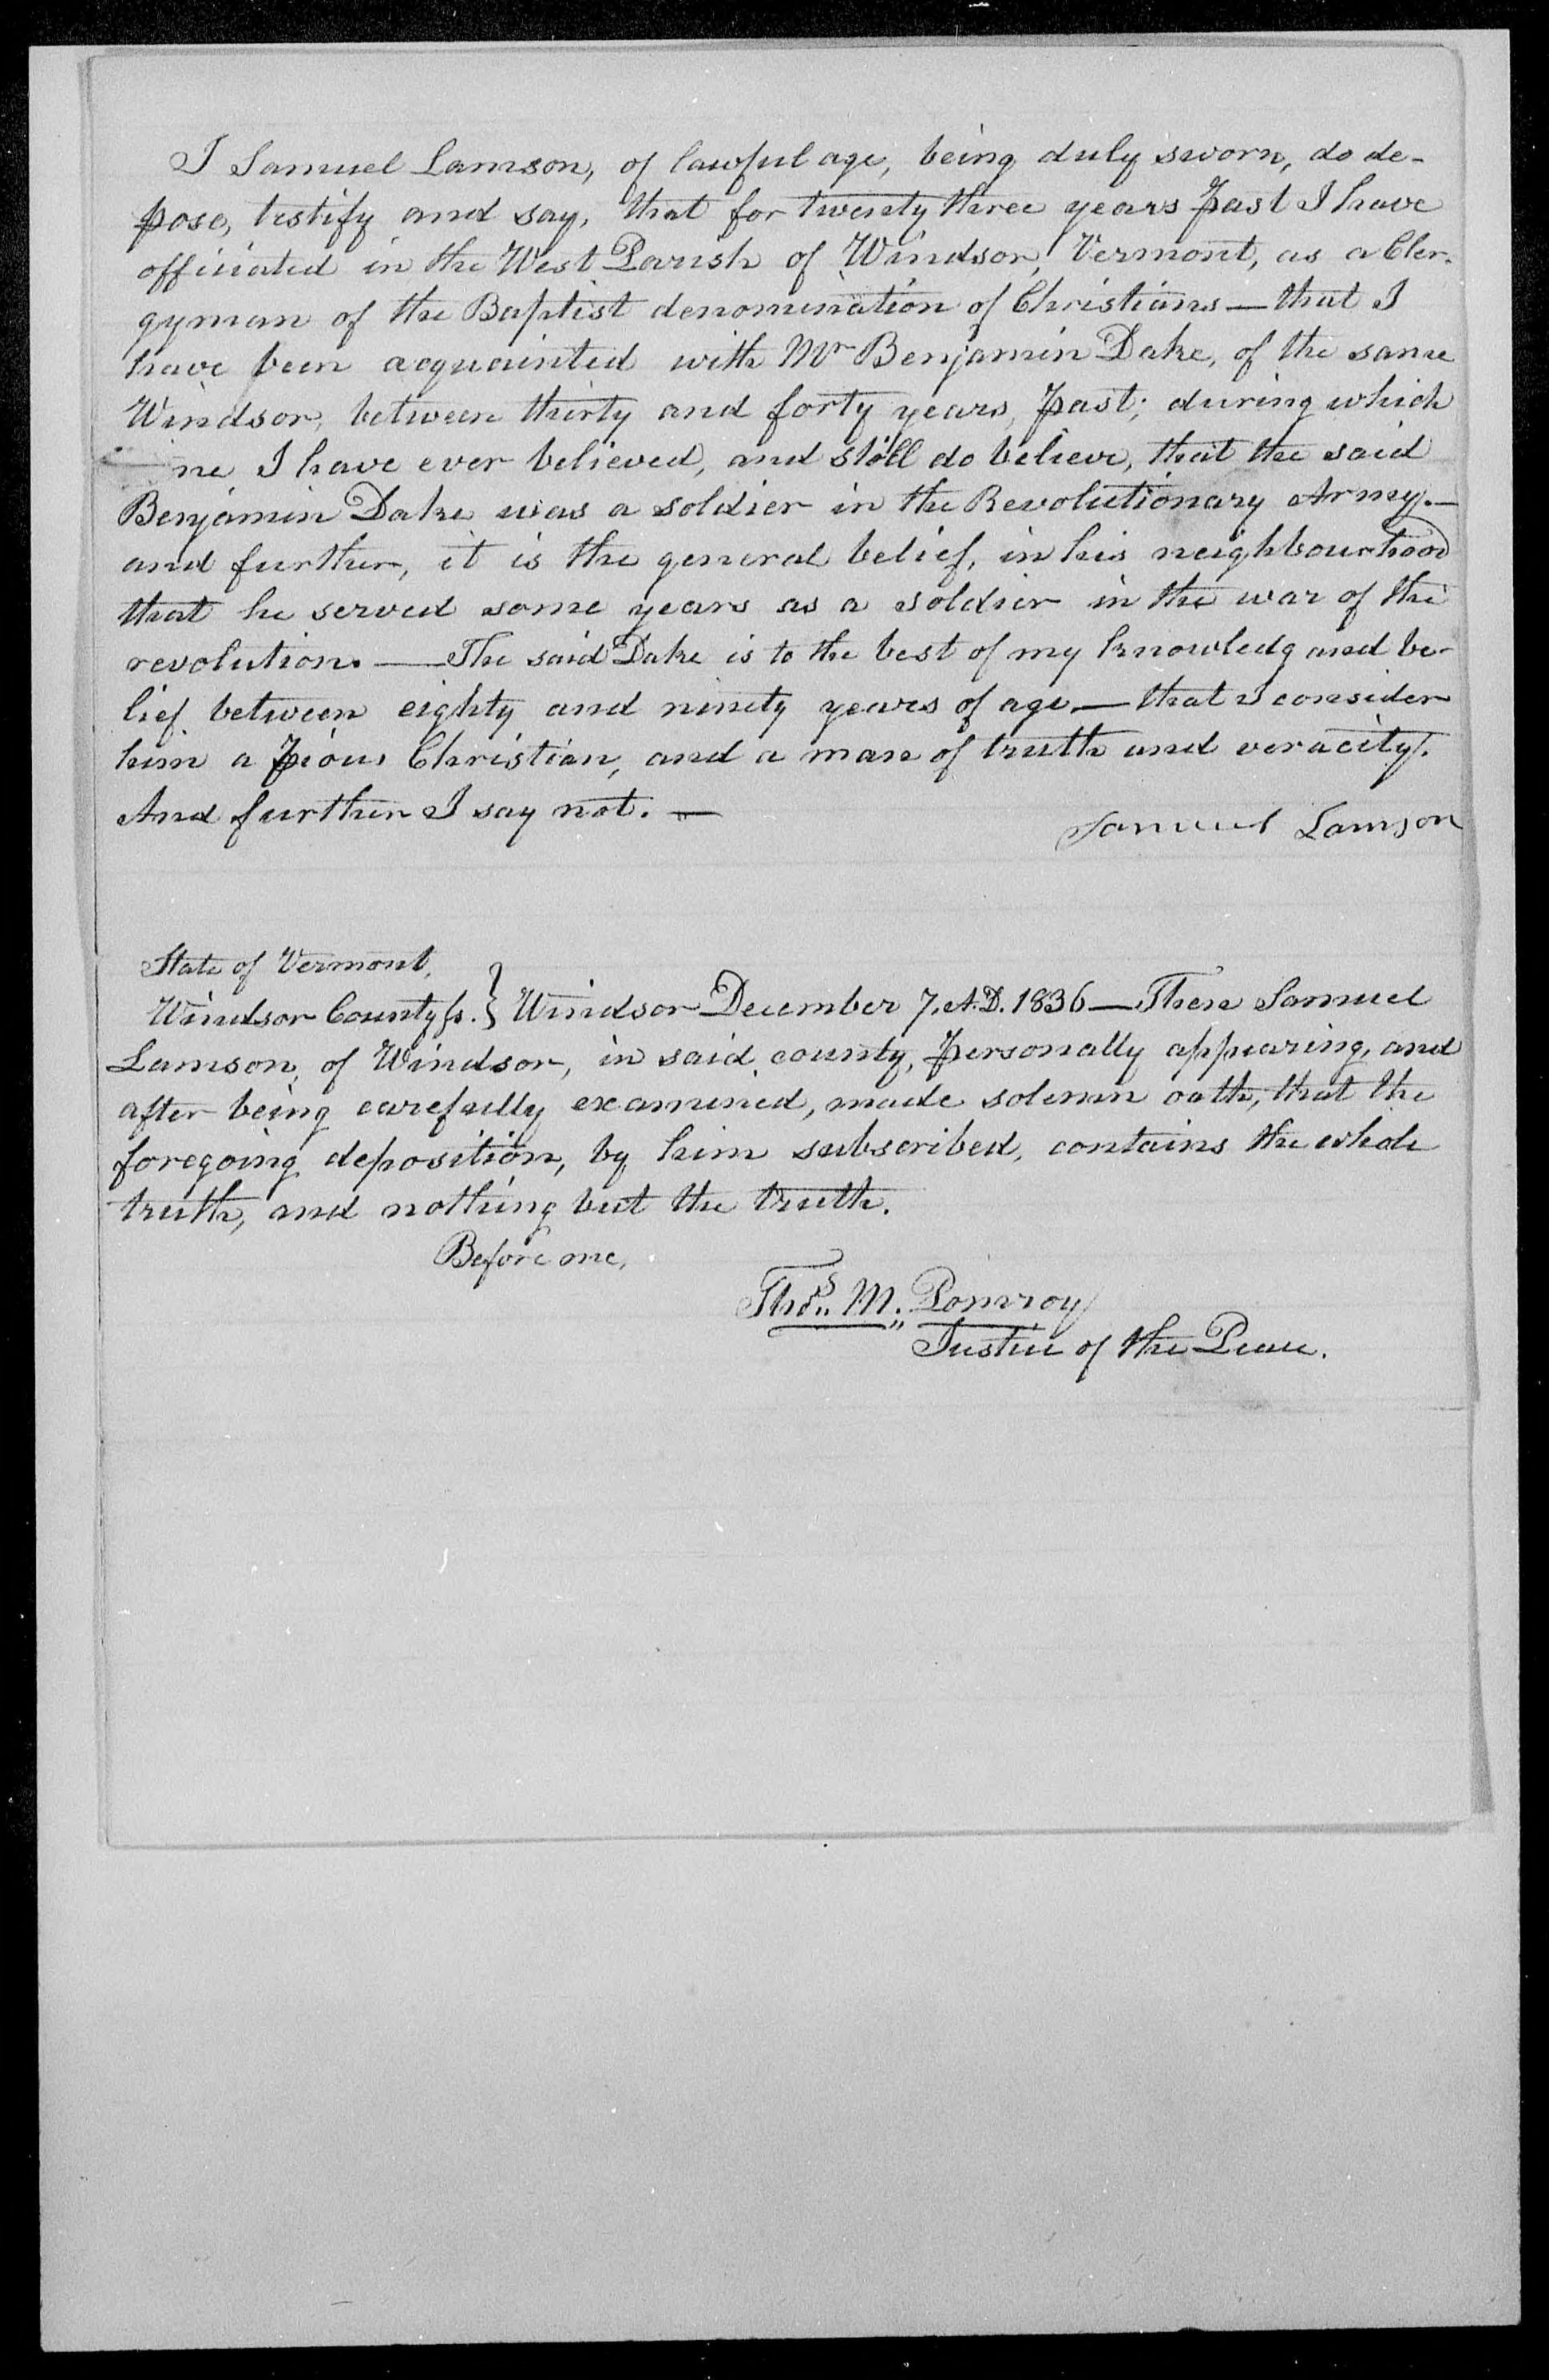I Samuel Lamson, of lawful age, being duly sworn do depose, testify, and say, that for twenty three years past I have officiated in the West Parish of Windsor Vermont as a clergyman at the Baptist denomination of Christians. That I have been acquainted with Mr Benjamin Dake of the same Windsor between thirty and forty years, past; during which time I have ever believed and still do believe that the said Benjamin Dake was a soldier in the Revolutionary Army and further it is the general belief, in his neighborhood that he served some years as a soldier in the war of the Revolution. The said Dake is to the best of my knowledge and belief between eighty and ninety years of age. That I consider him a pious Christian and a man of truth and veracity. And further I say not. Samuel Lamson

State of Vermont Windsor County Js. Windsor December 7 A.D. 1836 There Samuel Lamson of Windsor, in said sounty, personally appearing and after being carefully examined made solemn oath that foregoing deposition, by him subscribed contains the whole truth and nothing but the truth. Before me, Thos. M. Pomeroy Justice of the Peace.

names: Dake, Samuel Lamson, Benjamin Dake, Samuel Lamson, Thos M Pomroy, Samuel Lamson, Benjamin Dake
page: 12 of 42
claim: rejected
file: R. 2,625, Benjamin Dake, R.I.